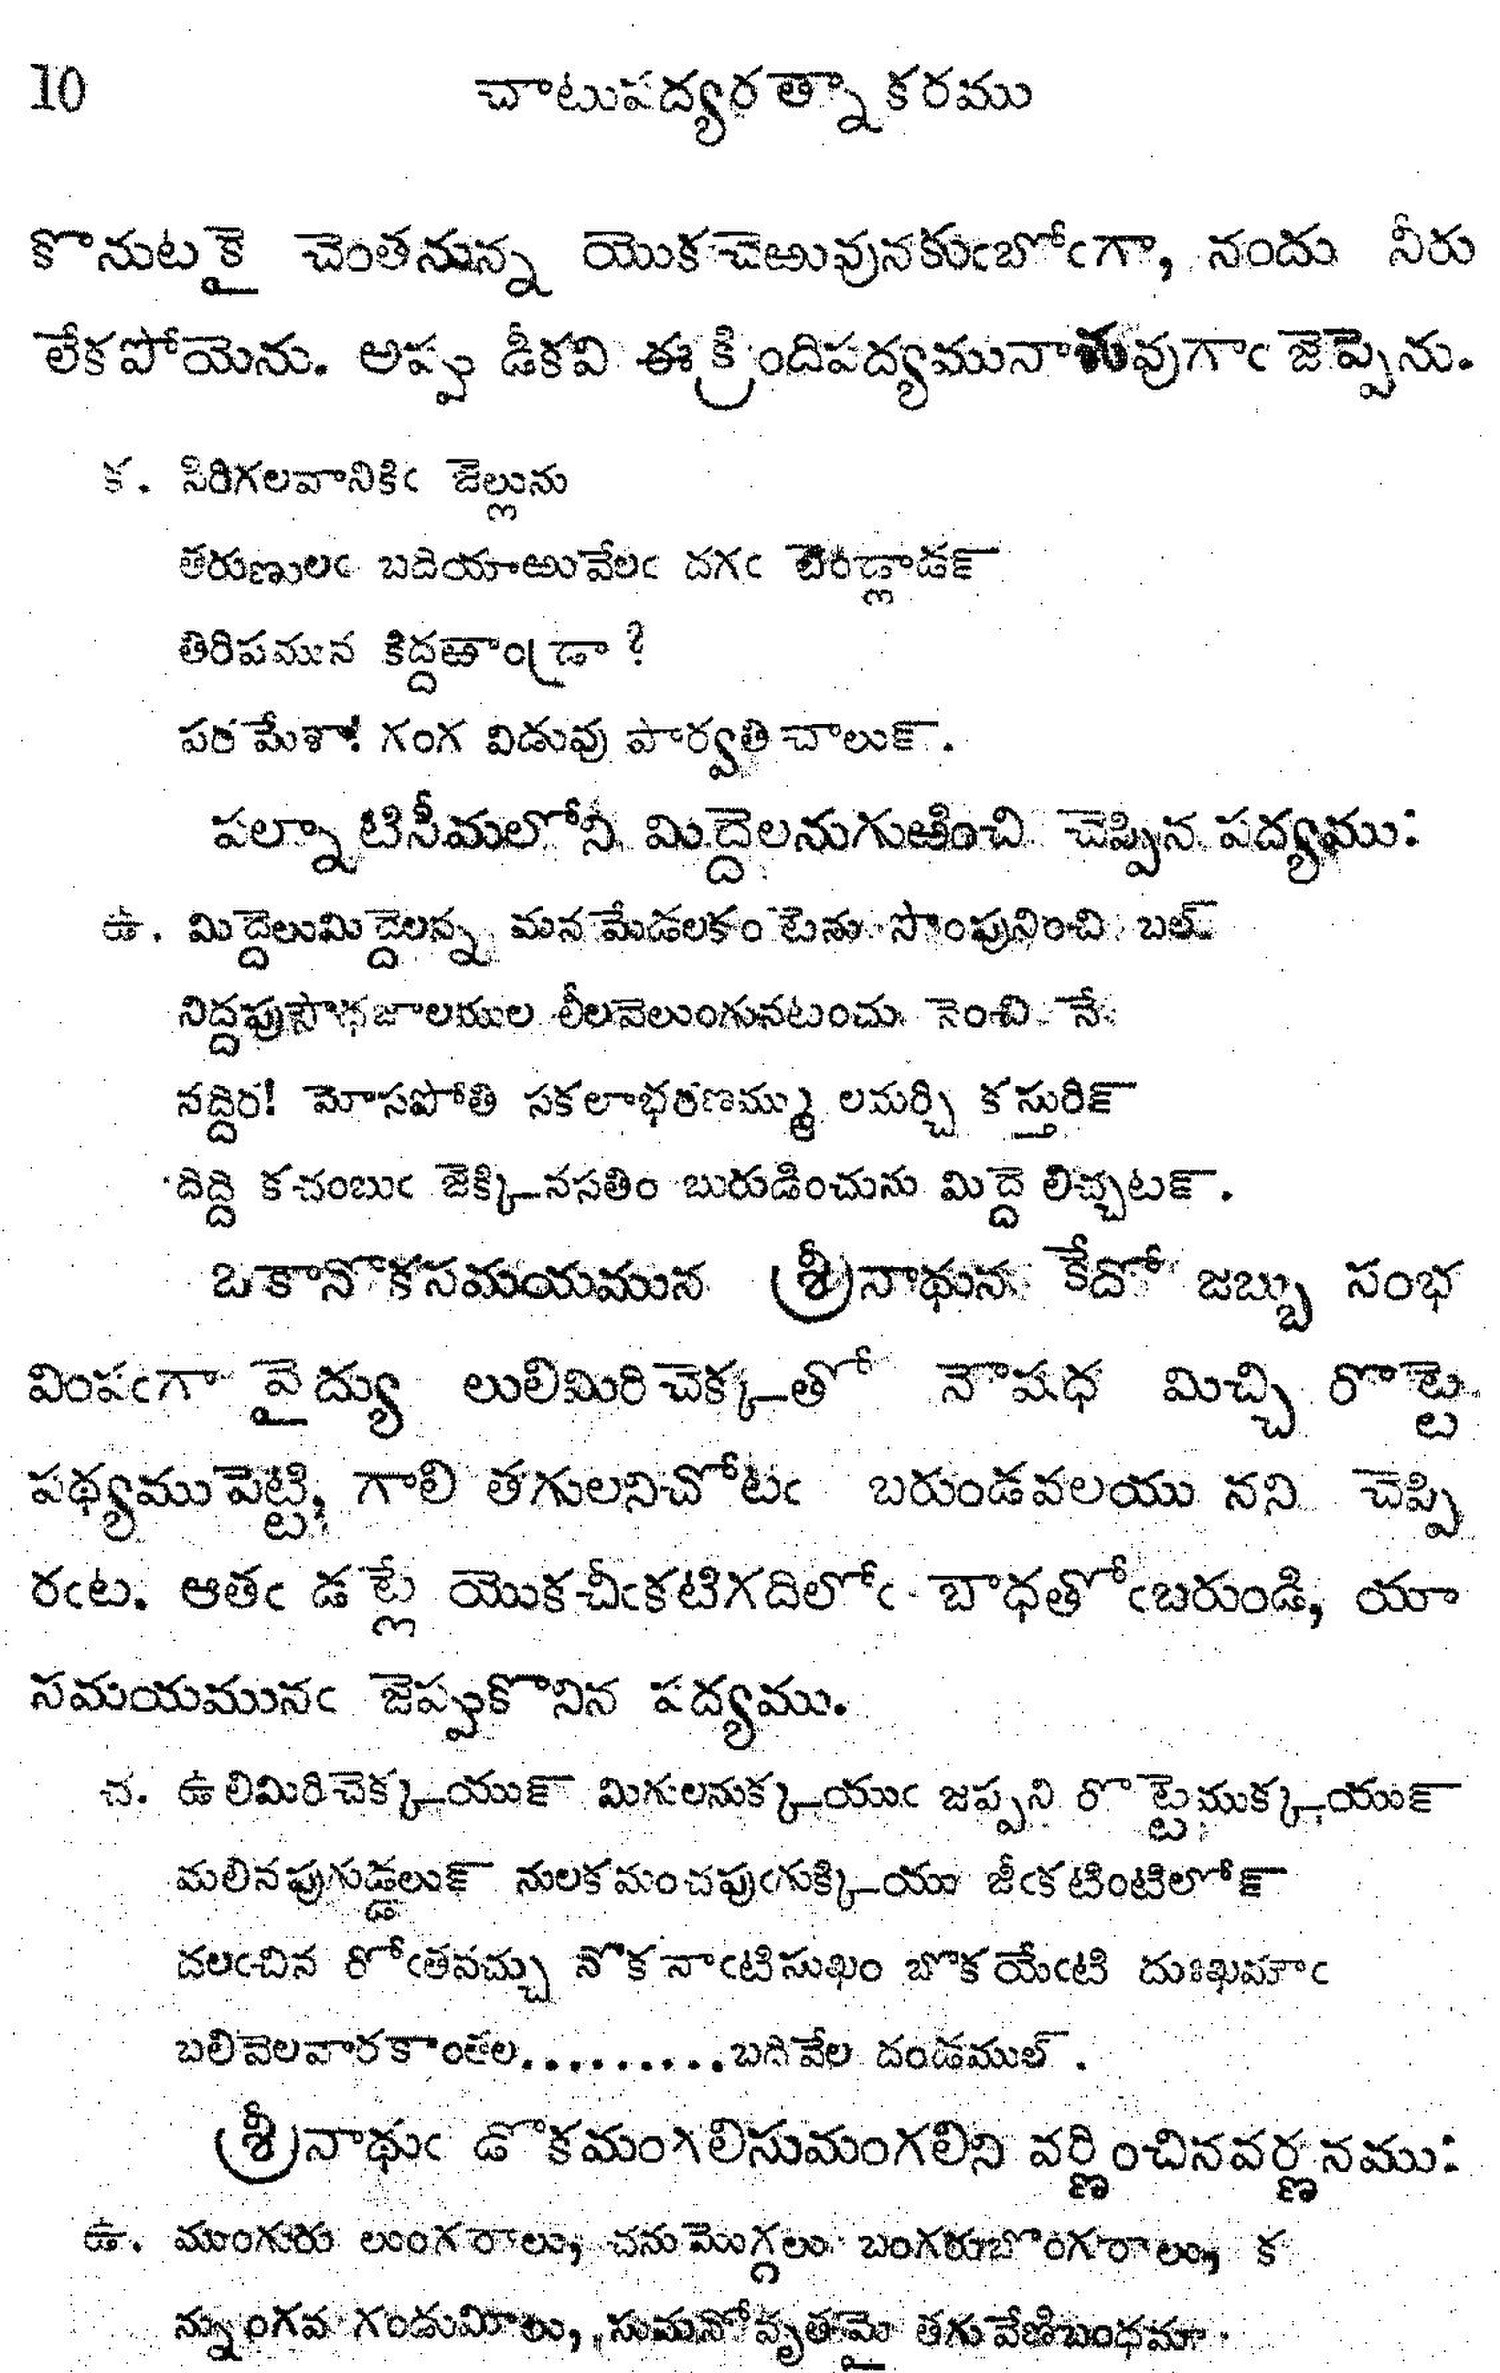కొనుటకై చెంతనున్న యొకచెఱువునకుఁ బోఁగా, నందు నీరు లేకపోయెను. అప్పు డీకవి ఈక్రిందిపద్యము నాశువుగాఁ జెప్పెను.

క. సిరిగలవానికిఁ జెల్లును
 దరుణులు పదియాఱువేలఁ దగఁ బెండ్లాడన్
 దిరిపెమున కిద్దరాండ్రా
 పరమేశా! గంగ విడుము పార్వతి చాలున్.

పల్నాటిసీమలోని మిద్దెలనుగుఱించి చెప్పిన పద్యము.

ఉ. మిద్దెలు మిద్దెలన్న మనమేడలకంటెను సొంపునించి బల్
 నిద్దపుసౌధజాలముల లీలవెలుంగునటంచు నెంచి నే
 నద్దిర! మోసపోతి సకలాభరణమ్ము లమర్చి కస్తురిన్
 దిద్ది కచంబుఁ జెక్కినసతిం బురుడించును మిద్దె లిచ్చటన్.

ఒకానొకసమయమున శ్రీనాథున కేదో జబ్బు సంభవింపఁగా వైద్యు లులిమిరిచెక్కతో నౌషధ మిచ్చి రొట్టె పథ్యము పెట్టి, గాలి తగులనిచోడఁ బరుండవలయు నని చెప్పిరఁట. ఆతఁ డట్లే యొకచీఁకటిగదిలోఁ బాధతోఁ బరుండి, యాసమయమునఁ జెప్పుకొనిన పద్యము.

చ. ఉలిమిరి చెక్కయున్ మిగులనుక్కయుఁ జప్పని రొట్టెముక్కయున్
 మలినపుగుడ్డలున్ నులుకమంచపుఁగుక్కియుఁ జీకటింటిలోన్
 దలచిన రోఁతవచ్చు నొకనాఁటి సుఖం బొకయేఁటి దుఃఖఁమౌ
 బలివెల వారకాంతల .......... బదివేల దండముల్.

శ్రీనాథుఁ డొకమంగలిసుమంగలిని వర్ణించిన వర్ణనము

ఉ. ముంగురు లుంగరాలు, చనుమొగ్గలు బంగరుబొంగరాలు, క
 న్నుంగవ గండుమీలు, సుమనోవృతమై తగువేణిబంధమున్